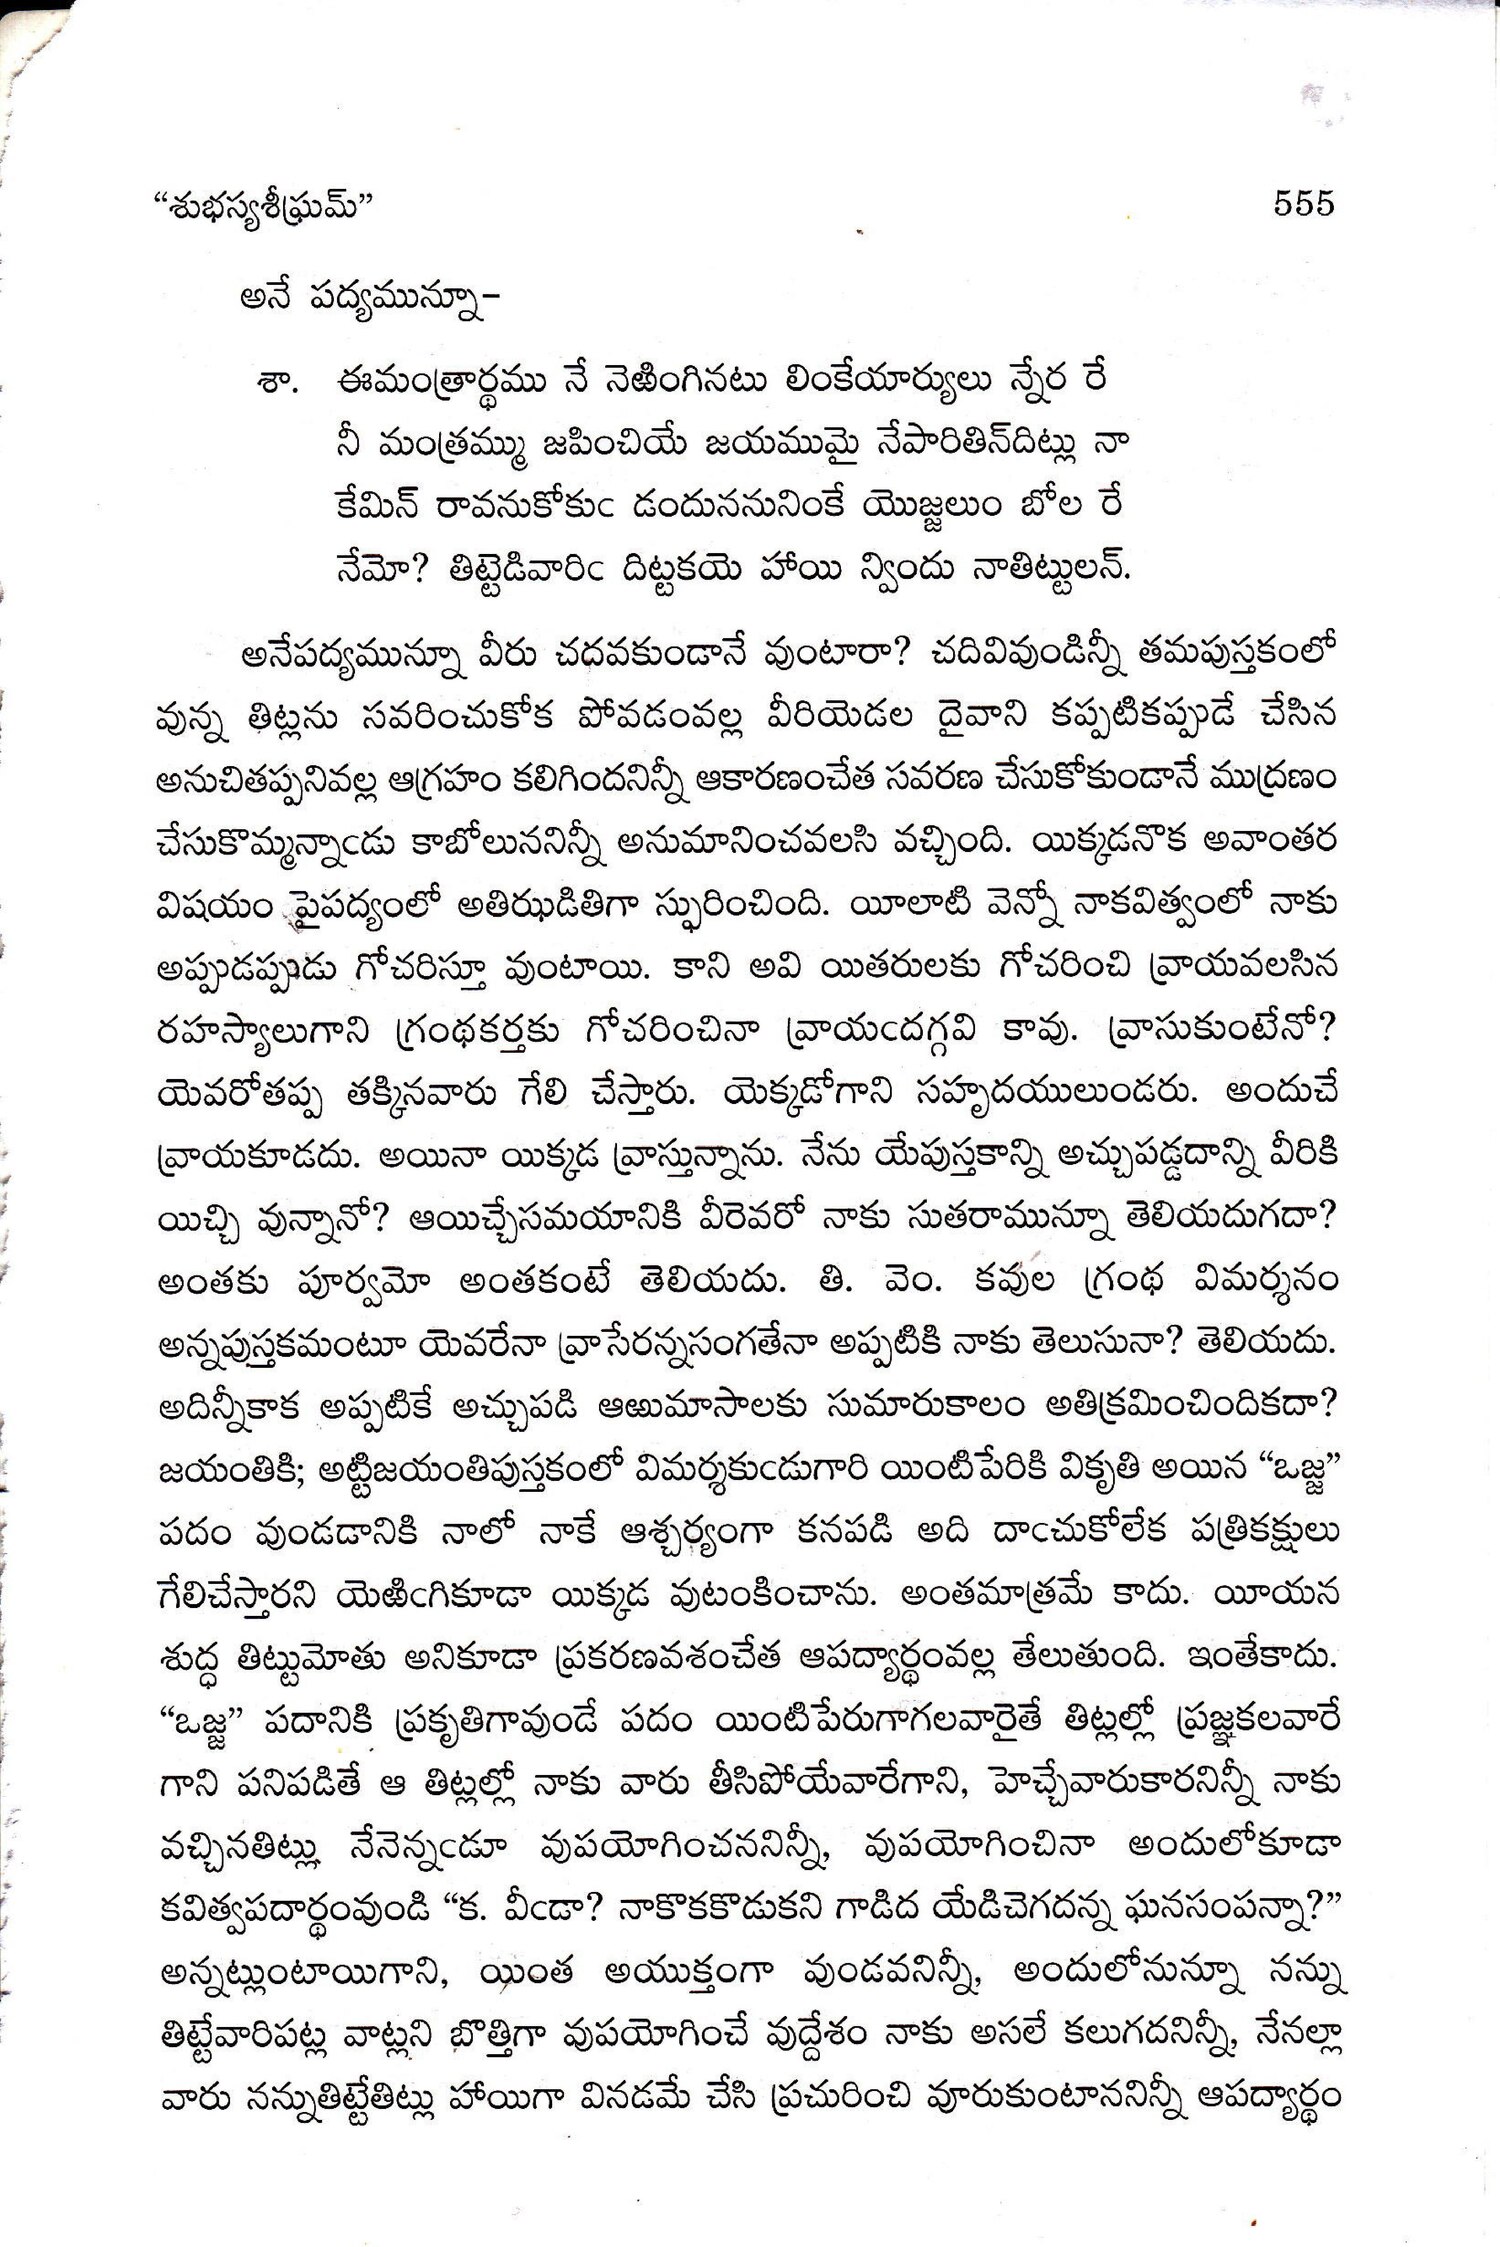అనే పద్యమున్నూ-

శా. ఈమంత్రార్థము నే నెఱింగినటు లింకేయార్యులు న్నేర రే
 నీ మంత్రమ్ము జపించియే జయముమై నేపారితిన్‌దిట్లు నా 
 కేమిన్ రావనుకోకుఁ డందుననునింకే యొజ్జలుం బోల రే 
 నేమో? తిట్టెడివారిఁ దిట్టకయె హాయి న్విందు నాతిట్టులన్.
అనేపద్యమున్నూ వీరు చదవకుండానే వుంటారా? చదివివుండిన్నీ తమపుస్తకంలో వున్న తిట్లను సవరించుకోక పోవడంవల్ల వీరియెడల దైవాని కప్పటికప్పుడే చేసిన అనుచితప్పనివల్ల ఆగ్రహం కలిగిందనిన్నీ ఆకారణంచేత సవరణ చేసుకోకుండానే ముద్రణం చేసుకొమ్మన్నాఁడు కాబోలుననిన్నీ అనుమానించవలసి వచ్చింది. యిక్కడనొక అవాంతర విషయం పైపద్యంలో అతిఝడితిగా స్ఫురించింది. యీలాటి వెన్నో నాకవిత్వంలో నాకు అప్పుడప్పుడు గోచరిస్తూ వుంటాయి. కాని అవి యితరులకు గోచరించి వ్రాయవలసిన రహస్యాలుగాని గ్రంథకర్తకు గోచరించినా వ్రాయఁదగ్గవి కావు. వ్రాసుకుంటేనో? యెవరోతప్ప తక్కినవారు గేలి చేస్తారు. యెక్కడోగాని సహృదయులుండరు. అందుచే వ్రాయకూడదు. అయినా యిక్కడ వ్రాస్తున్నాను. నేను యేపుస్తకాన్ని అచ్చుపడ్డదాన్ని వీరికి యిచ్చి వున్నానో? ఆయిచ్చేసమయానికి వీరెవరో నాకు సుతరామున్నూ తెలియదుగదా? అంతకు పూర్వమో అంతకంటే తెలియదు. తి. వెం. కవుల గ్రంథ విమర్శనం అన్నపుస్తకమంటూ యెవరేనా వ్రాసేరన్నసంగతేనా అప్పటికి నాకు తెలుసునా? తెలియదు. అదిన్నీకాక అప్పటికే అచ్చుపడి ఆఱుమాసాలకు సుమారుకాలం అతిక్రమించిందికదా? జయంతికి; అట్టిజయంతిపుస్తకంలో విమర్శకుఁడుగారి యింటిపేరికి వికృతి అయిన "ఒజ్జ" పదం వుండడానికి నాలో నాకే ఆశ్చర్యంగా కనపడి అది దాఁచుకోలేక పత్రికక్షులు గేలిచేస్తారని యెఱిఁగికూడా యిక్కడ వుటంకించాను. అంతమాత్రమే కాదు. యీయన శుద్ధ తిట్టుమోతు అనికూడా ప్రకరణవశంచేత ఆపద్యార్థంవల్ల తేలుతుంది. ఇంతేకాదు. “ఒజ్జ" పదానికి ప్రకృతిగావుండే పదం యింటిపేరుగాగలవారైతే తిట్లల్లో ప్రజ్ఞకలవారే గాని పనిపడితే ఆ తిట్లల్లో నాకు వారు తీసిపోయేవారేగాని, హెచ్చేవారుకారనిన్నీ నాకు వచ్చినతిట్లు నేనెన్నఁడూ వుపయోగించననిన్నీ వుపయోగించినా అందులోకూడా కవిత్వపదార్ధంవుండి “క. వీcడా? నాకొకకొడుకని గాడిద యేడిచెగదన్న ఘనసంపన్నా?” అన్నట్లుంటాయిగాని, యింత అయుక్తంగా వుండవనిన్నీ, అందులోనున్నూ నన్ను తిట్టేవారిపట్ల వాట్లని బొత్తిగా వుపయోగించే వుద్దేశం నాకు అసలే కలుగదనిన్నీ నేనల్లా వారు నన్నుతిట్టేతిట్లు హాయిగా వినడమే చేసి ప్రచురించి వూరుకుంటాననిన్నీ ఆపద్యార్థం